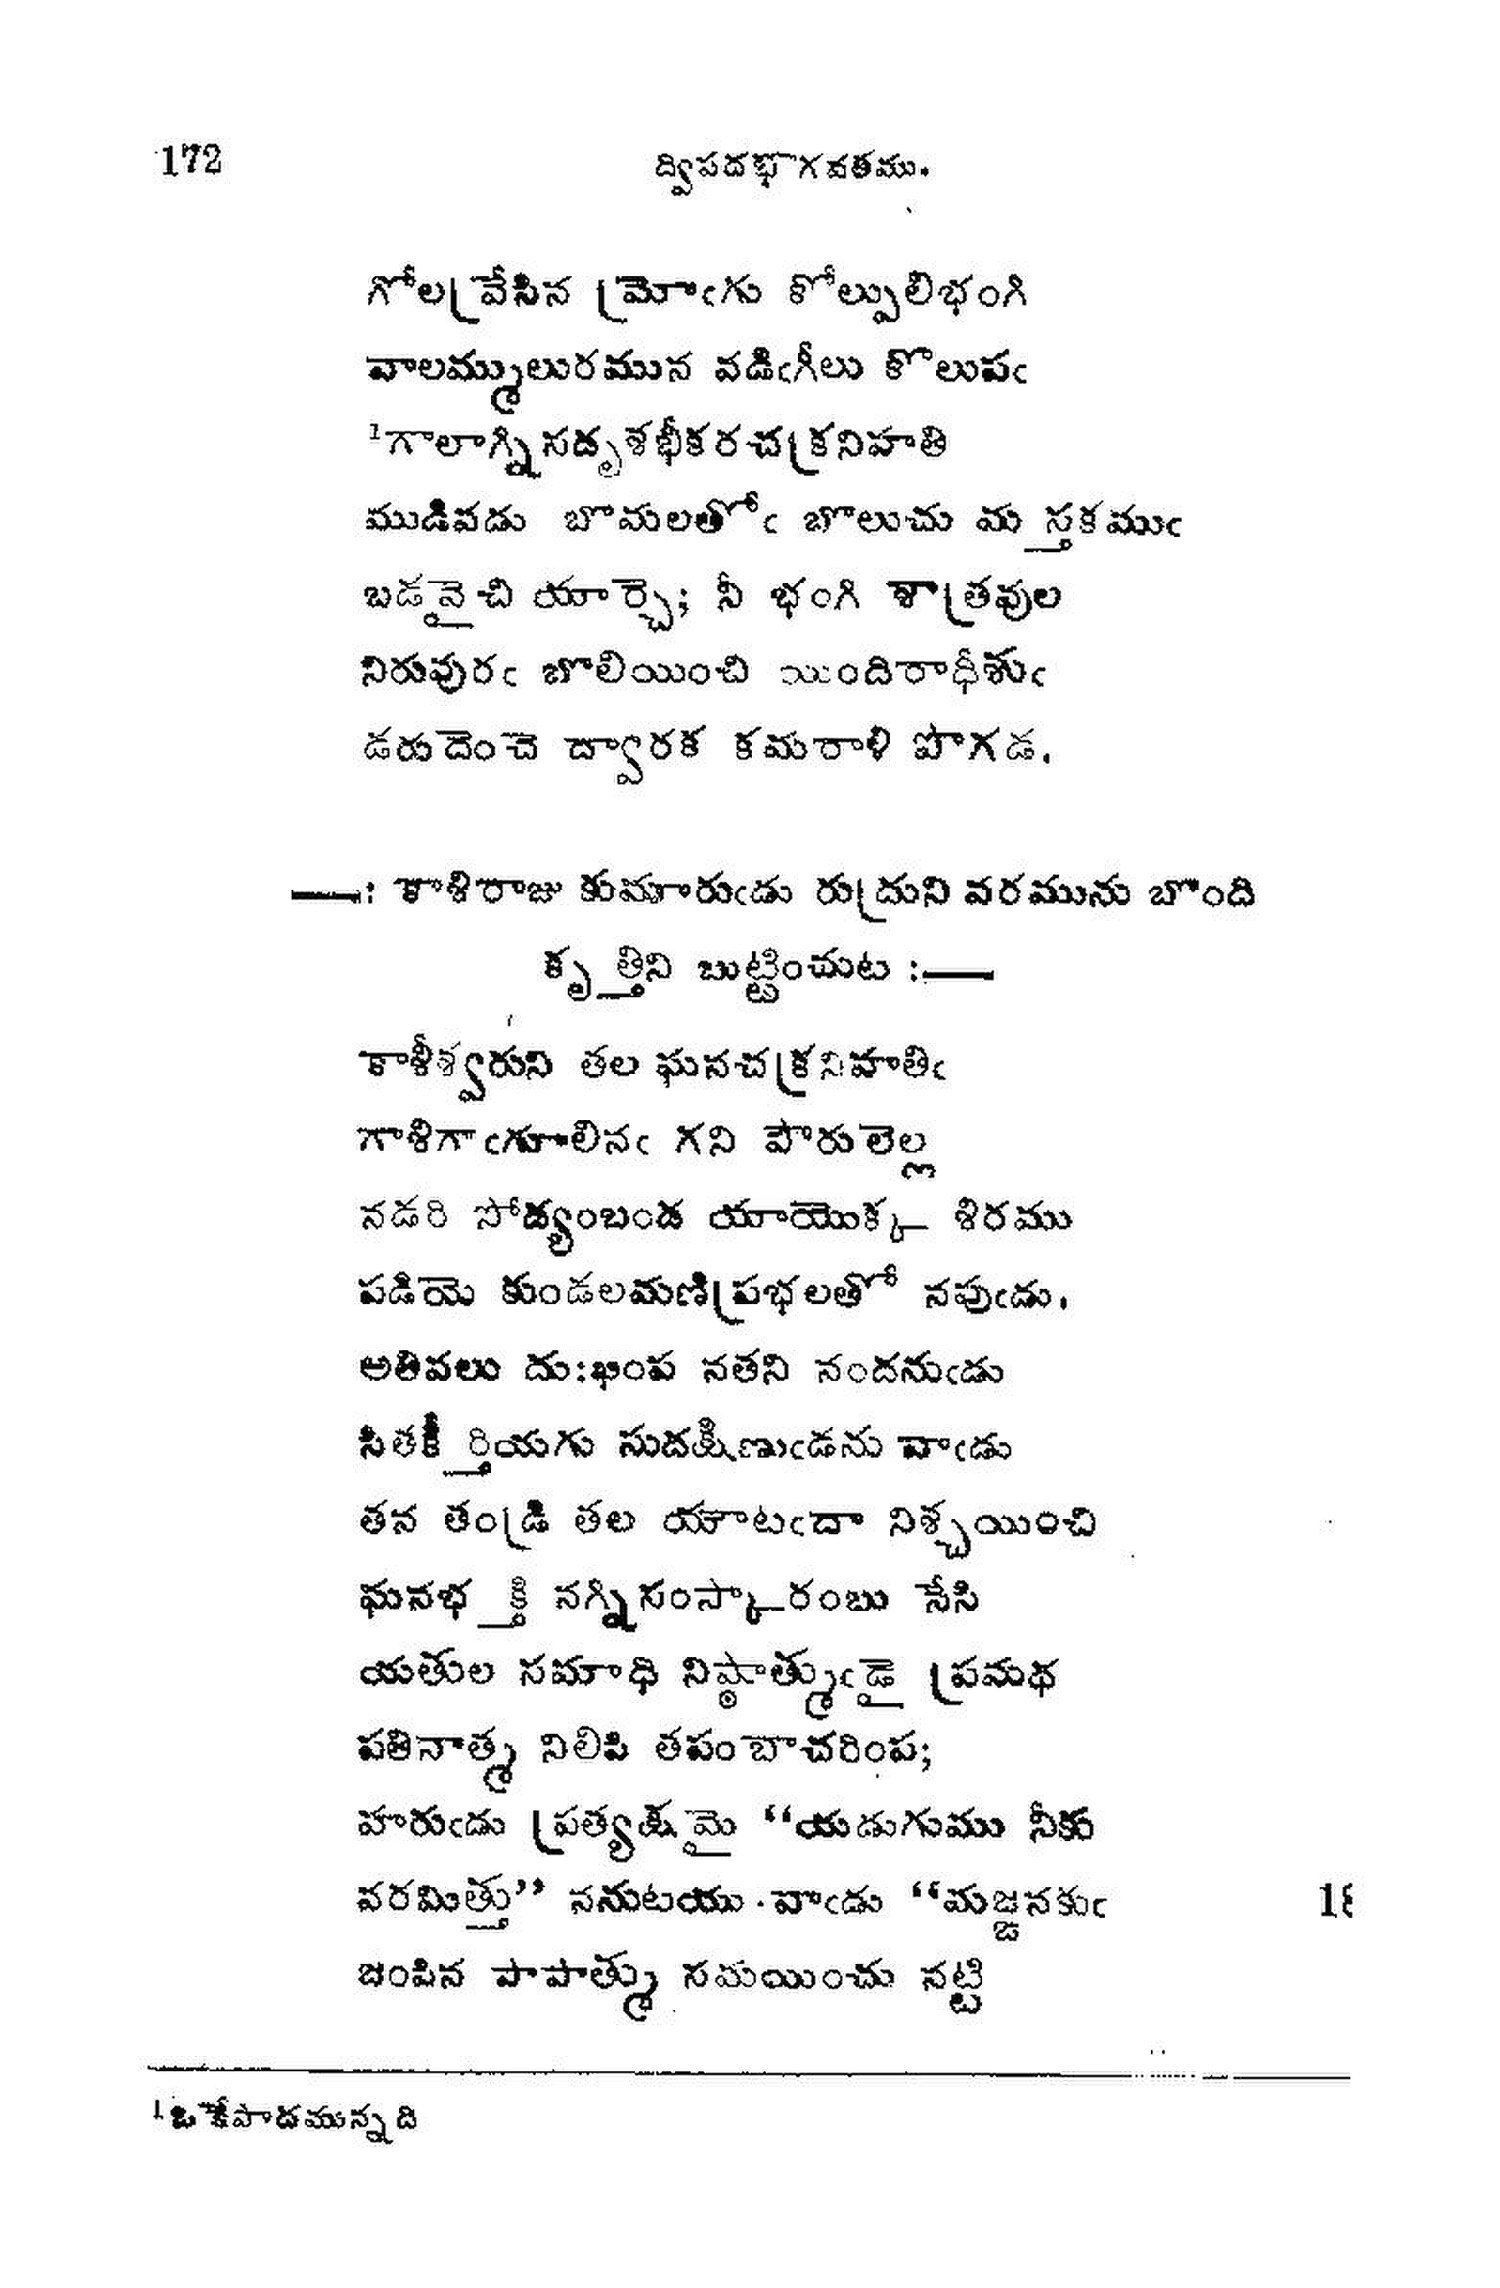గోల వ్రేసిన మ్రోఁగు కోల్పులిభంగి
వాలమ్ములురమున వడిఁగీలు కొలుపఁ
గాలాగ్నిసదృశభీకరచక్రనిహతి 
ముడివడు బొమలతోఁ బొలుచు మస్తకముఁ
బడవైచి యార్చె; నీ భంగి శాత్రవుల
నిరివురఁ బొలియించి నిందిరాధీశుఁ
డరుదెంచె ద్వారక కమరాళి పొగడ.
 

కాశీశ్వరుని తల ఘనచక్రనిహతిఁ
గాశిగాఁగూలినఁ గని పౌరులెల్ల
నడరి సోద్యంబంద యాయొక్క శిరము
పడియె కుండలమణిప్రభలతో నపుఁడు. 
అతివలు దుఃఖింప నతని నందనుడు
సితకీర్తియగు సుదక్షిణుఁడను వాఁడు
తన తండ్రి తల యౌటఁదా నిశ్చయించి
ఘనభక్తి నగ్నిసంస్కారంబు సేసి
యతుల సమాధి నిష్ఠాత్ముఁడై ప్రమథ
పతినాత్మనిలిపి తపంబాచరింప; 
హరుఁడు ప్రత్యక్షమై “యడుగుము నీకు
వరమిత్తు” ననుటయు వాడు “మజ్జనకుఁ
జంపిన పాపాత్ము సమయించు నట్టి